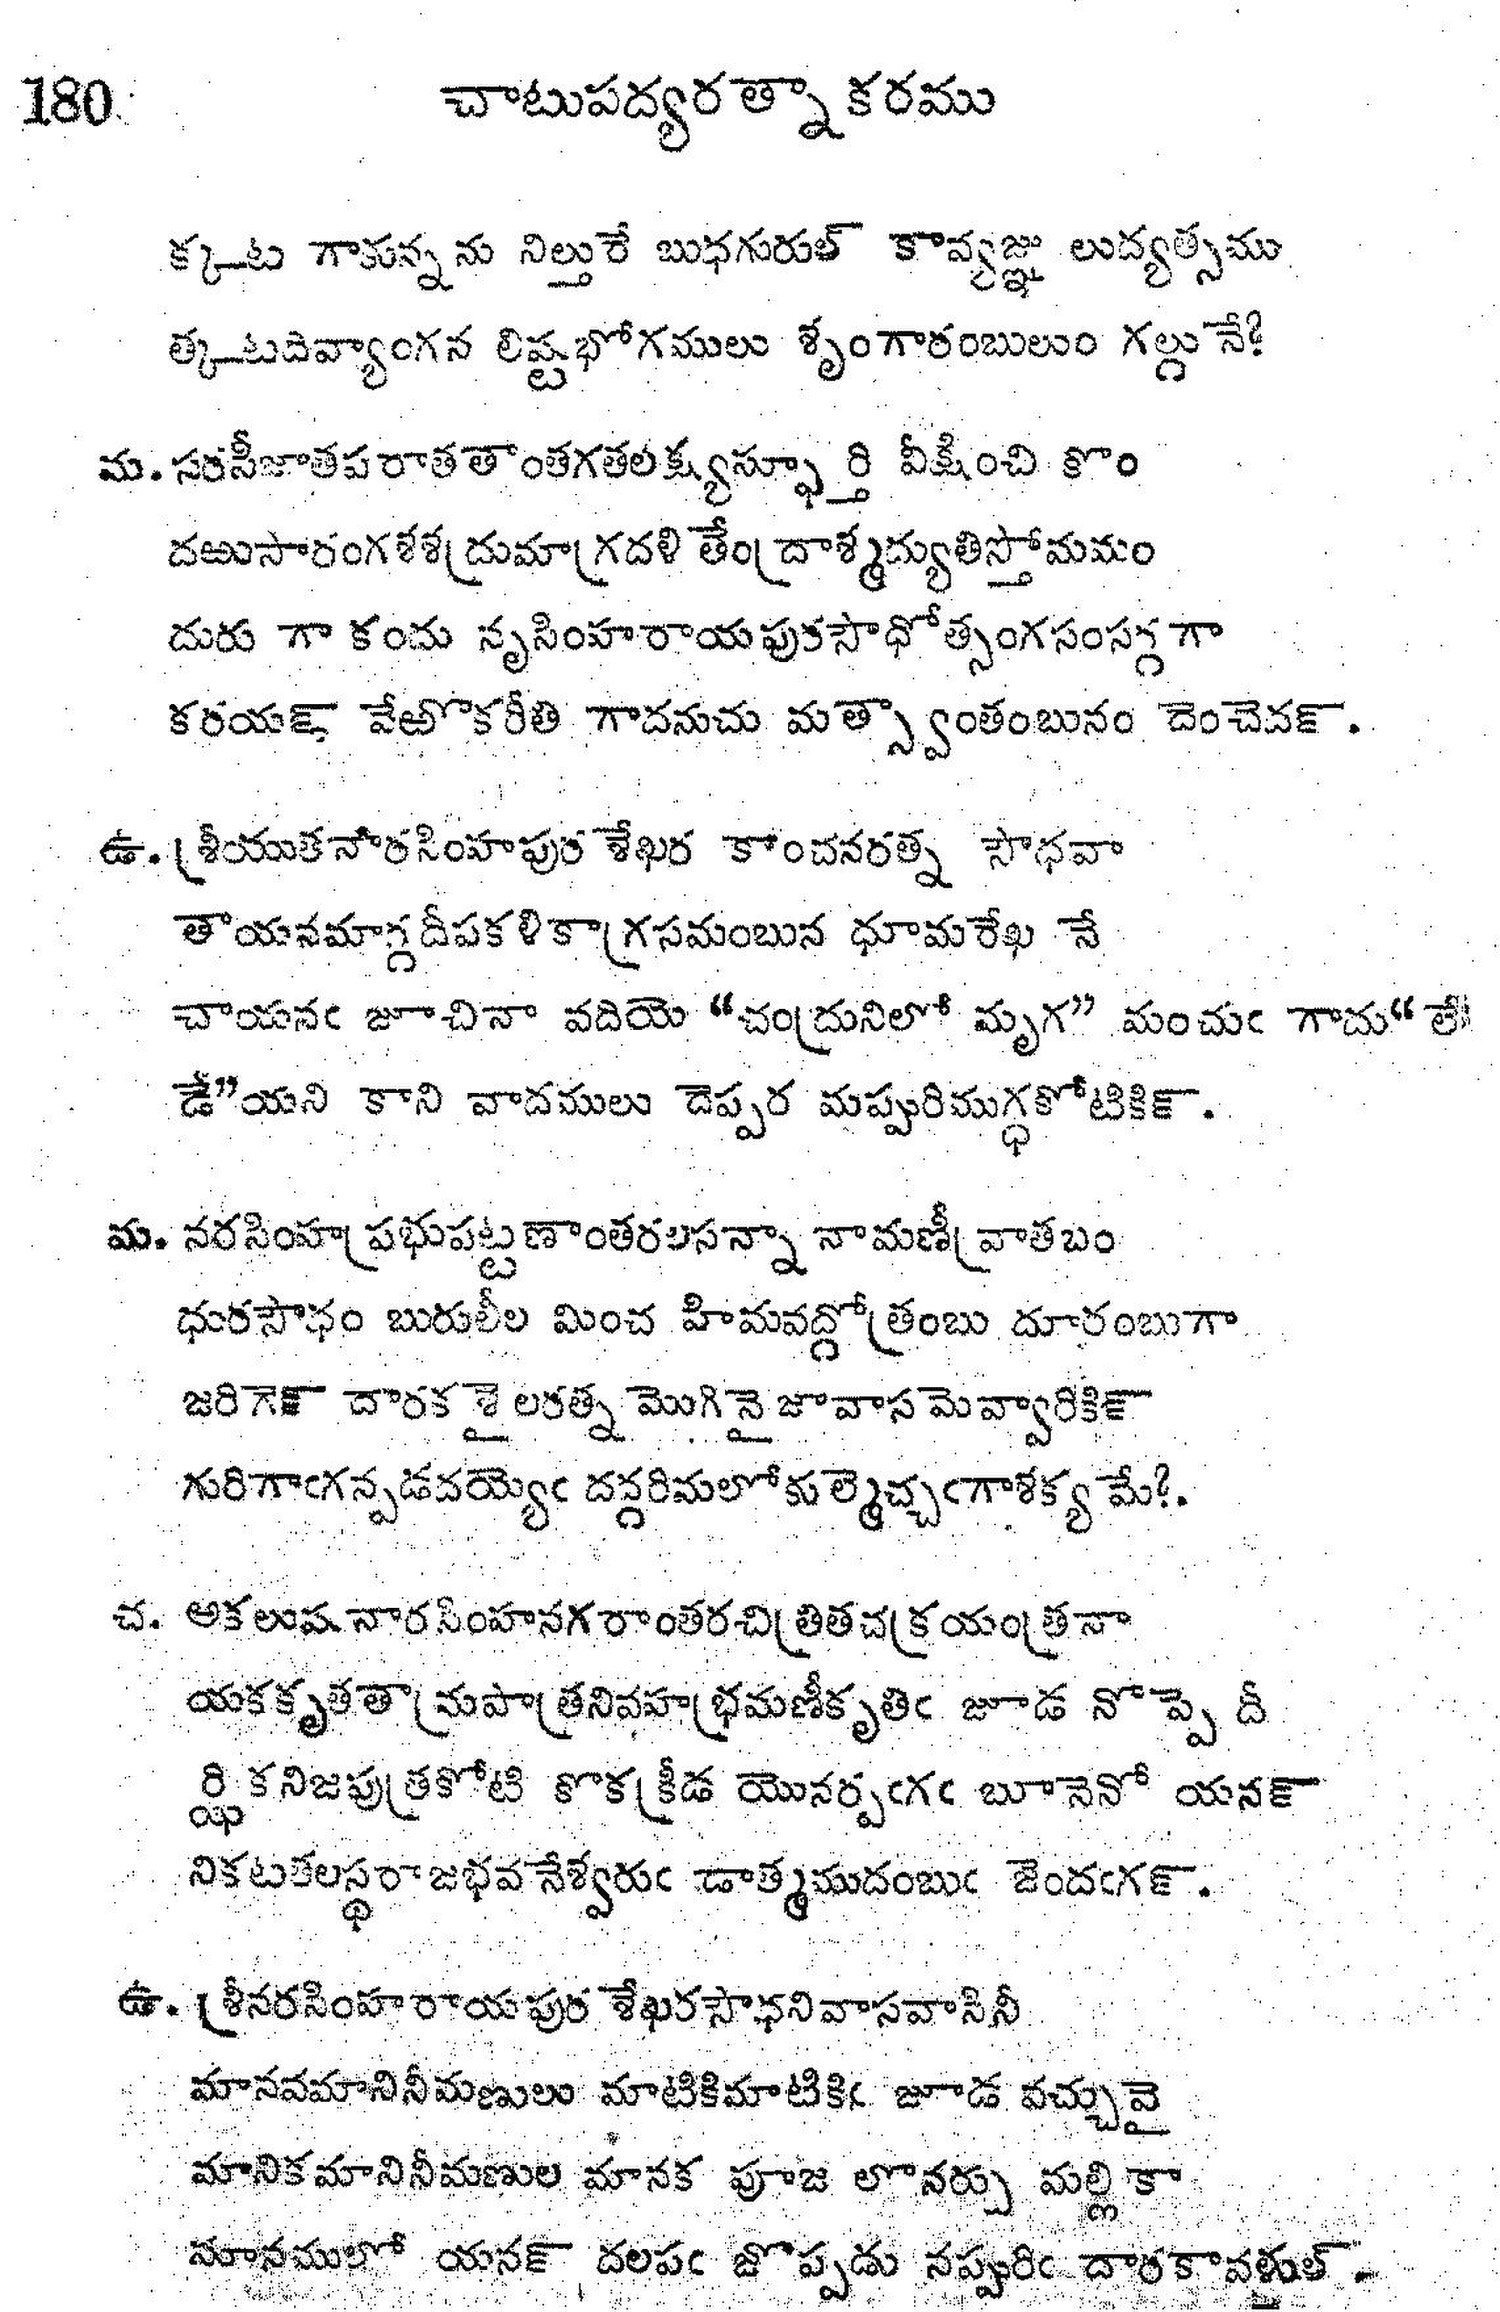క్కట గాకున్నను నిల్తురే బుధగురుల్ కావ్యజ్ఞు లుద్యత్సము
 త్కటదివ్యాంగన లిష్టభోగములు శృంగారంబులుం గల్గునే?

మ. సరసీజాతపరాతతాంతగతలక్ష్యస్ఫూర్తి వీక్షించి కొం
 దరు సారంగశశద్రుమాగ్రదళితేంద్రాశ్మద్యుతిస్తోమ మం
 దురు గా కందు నృసింహరాయపురసౌధోత్సంగసంసర్గగా
 కరయన్ వేఱొకరీతి గాదనుచు మత్స్వాంతంబునం దెంచెదన్.

ఉ. శ్రీయుతనారసింహపురశేఖరకాంచనరత్నసౌధవా
 తాయనమార్గదీపకళికాగ్రసమంబున ధూమరేఖ నే
 చాయనఁ జూచినా వదియె “చంద్రునిలో మృగ” మంచుఁ గాదు “లే
 డే” యని కాని వాదములు దెప్పర మప్పురిముగ్ధకోటికిన్.

మ. నరసింహప్రభుపట్టణాంతరలసన్నానామణీవ్రాతబం
 ధురసౌధం బురులీల మించ హిమవద్గోత్రంబు దూరంబుగా
 జరిగెన్ దారకశైలరత్న మొగి నైజావాస మెవ్వారికిన్
 గురిగాఁ గన్పడదయ్యెఁ దద్గరిమ లోకు ల్మెచ్చఁగా శక్యమే!

చ. అకలుషనారసింహనగరాంతరచిత్రితచక్రయంత్రనా
 యకకృతతామ్రపాత్రనివహభ్రమణీకృతిఁ జూడ నొప్పె దీ
 ర్ఘికనిజపుత్రకోటి కొకక్రీడ యొనర్పఁగఁ బూనెనో యనన్
 నికటతలస్థరాజభవనేశ్వరుఁ డాత్మముదంబుఁ జెందఁగన్.

ఉ. శ్రీనరసింహరాయపురశేఖరసౌధనివాసవాసినీ
 మానవమానినీమణులు మాటికిమాటికిఁ జూడ వచ్చు వై
 మానికమానినీమణుల మానక పూజ లొనర్చు మల్లికా
 సూనములో యనన్ దలపఁ జొప్పడు నప్పురిఁ దారకావళుల్.